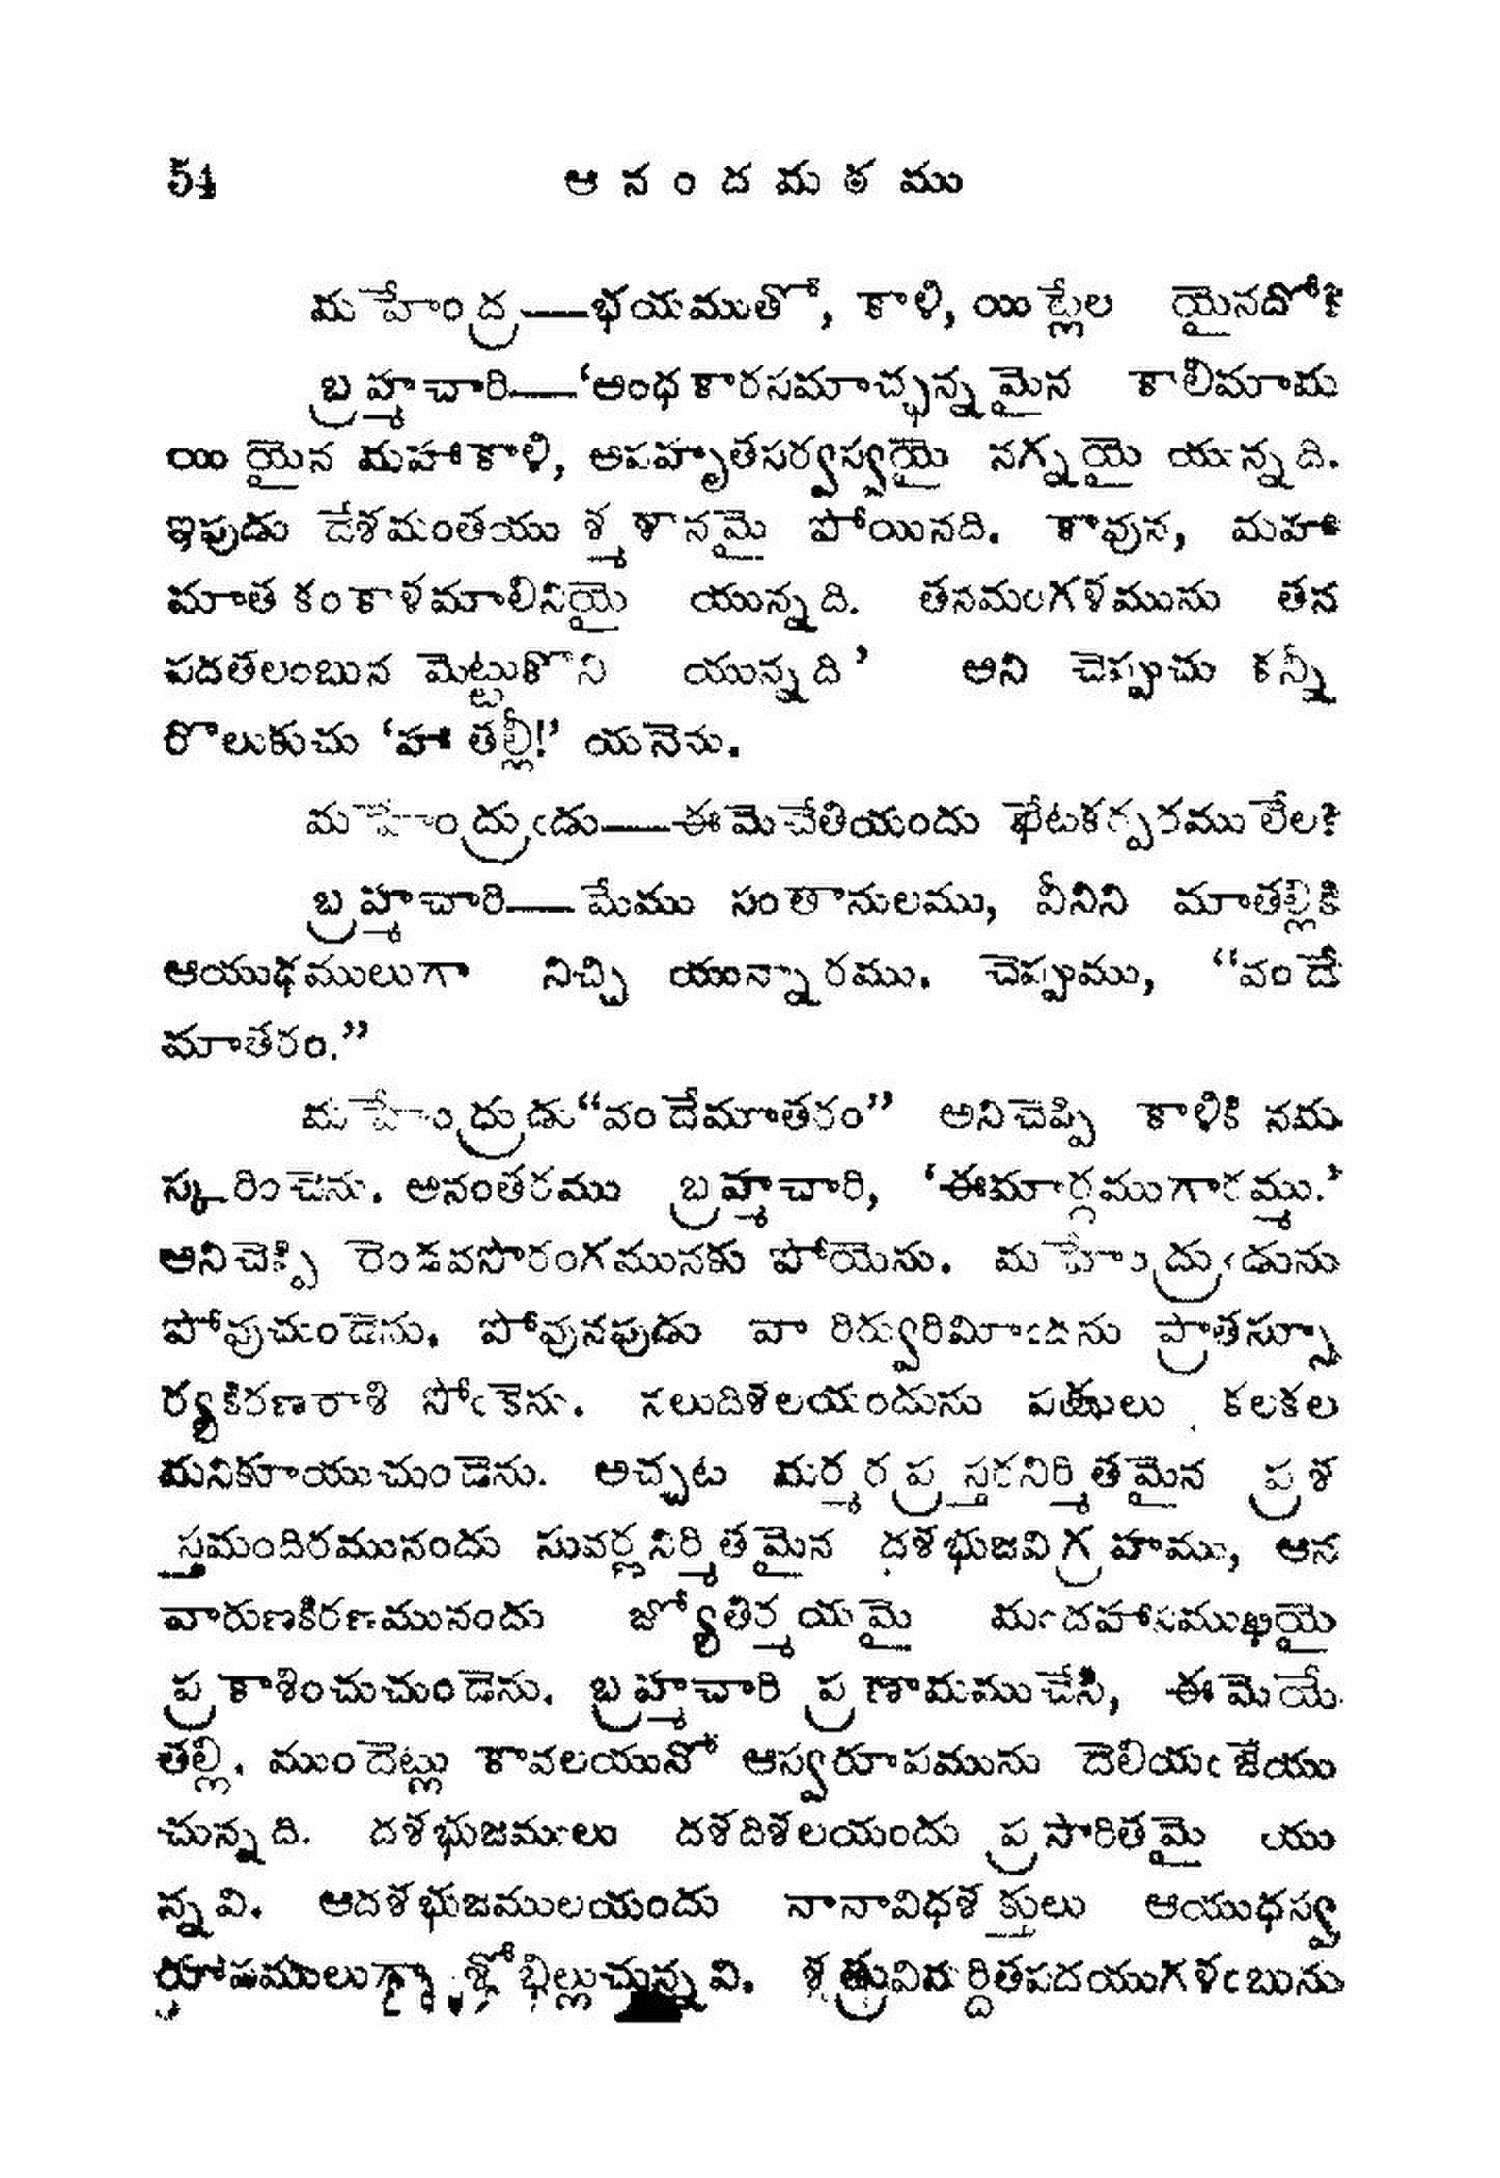మహేంద్ర——భయముతో, కాళి, యిట్లేల యైనదో?

బ్రహ్మచారి—— 'అంధకార సమాచ్ఛన్నమైన కాలిమామయి యైన మహాకాళి, అపహృతసర్వస్వయై నగ్నయై యున్నది. ఇపుడు దేశమంతయు శ్మశానమై పోయినది. కావున, మహామాత కంకాళమాలినియై యున్నది. తనమంగళమును తన పదతలంబున మెట్టుకొని
యున్నది ' అని చెప్పుచు కన్నీ రొలుకుచు 'హా తల్లీ!' యనెను.

మహేంద్రుఁడు—— ఈమె చేతియందు ఖేటకర్పరము లేల?

బ్రహచారి —— మేము సంతానులము, వీనిని మాతల్లికి ఆయుధములుగా నిచ్చి యున్నారము. చెప్పుము, “వందేమాతరం.”

మహేంద్రుడు “వం దేమాతరం” అని చెప్పి కాళికి నమస్కరించెను". అనంతరము బ్రహచారి, 'ఈమార్గముగా రమ్ము. 'అని చెప్పి రెండవసొరంగమునకు పోయెను. మహేంద్రుఁడును పోవుచుండెను. పోవునపుడు వా రిర్వురిమీఁదను ప్రాతస్సూర్యకిరణ రాశి సోఁకెను. నలుదిశలయందును పక్షులు కలకల మనికూయుచుండెను. అచ్చట మర్మర ప్రస్తర నిర్మితమైన ప్రశస్తమందిరమునందు సువర్ణ నిర్మితమైన దశభుజవిగ్రహము, ఆనవారుణకిరణమునందు జ్యోతిర్మయమై మందహాసముఖియై ప్రకాశించుచుండెను, బ్రహచారి ప్రణామము చేసి, ఈమెయే తల్లి. ముందెట్లు కావలయునో ఆస్వరూపమును దెలియఁ జేయు చున్నది. దశభుజములు దశదిశలయందు ప్రసారితమై యున్నవి. ఆదశభుజములయందు నానావిధశక్తులు ఆయుధస్వరూపములుగా శోభిల్లుచున్నవి. శత్రువిమర్దితపదయుగళంబును